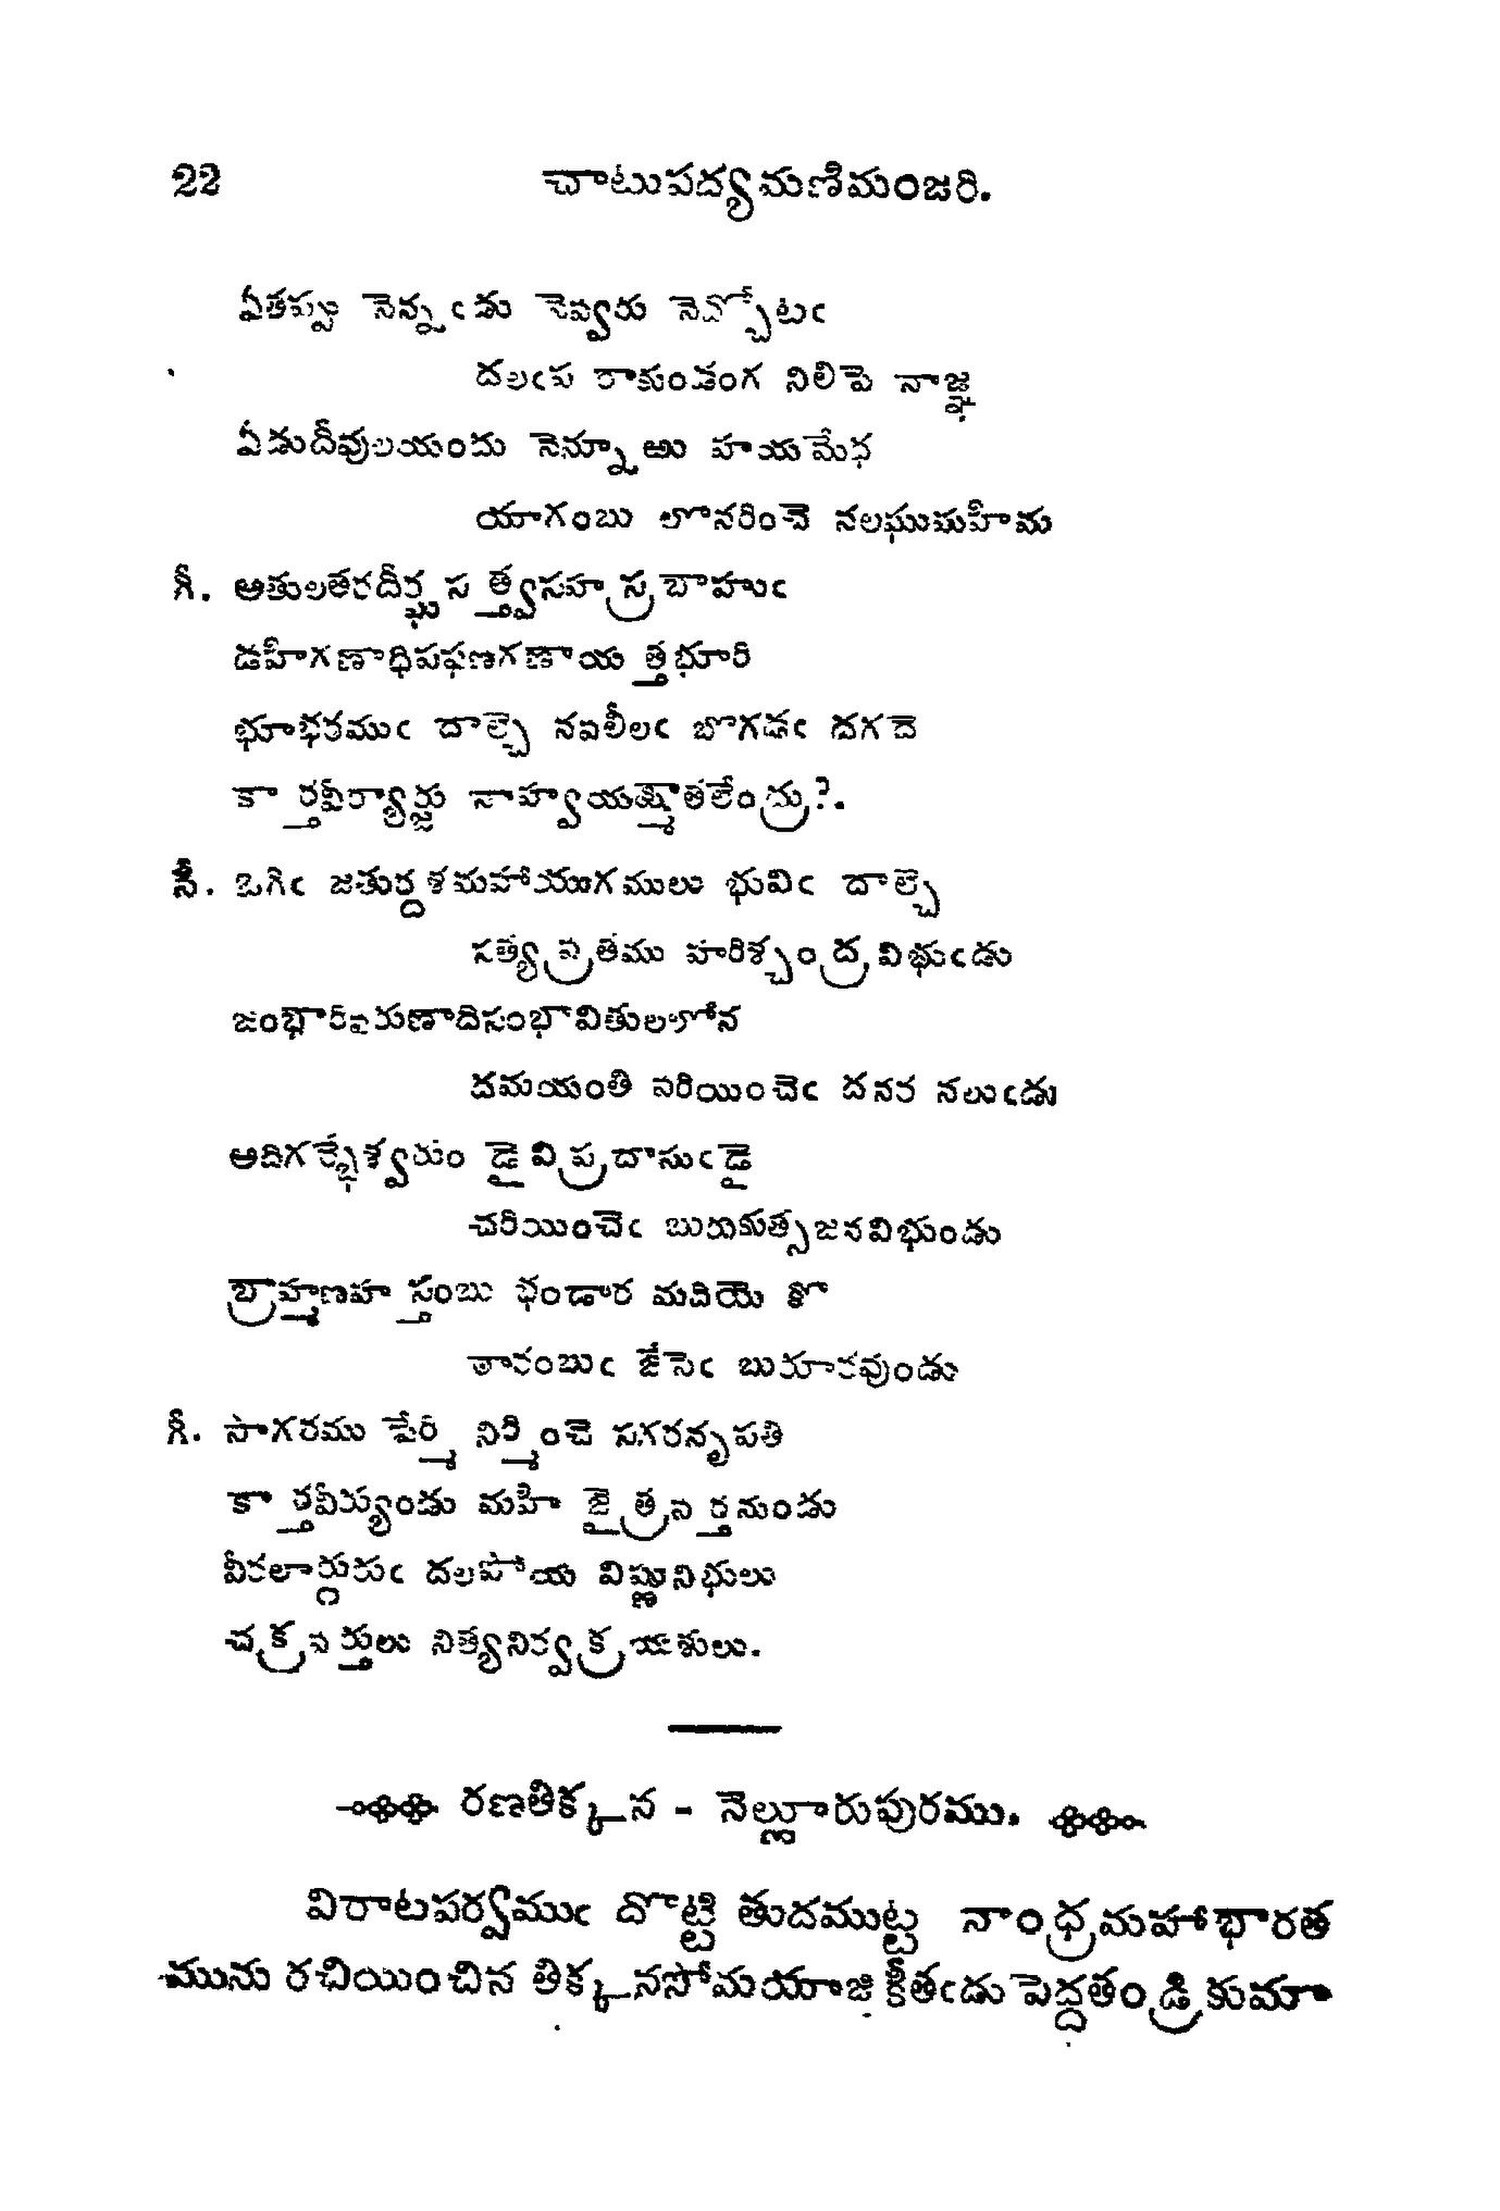ఏతప్పు నెన్నఁడు నెవ్వరు నెచ్చోటఁ
 దలఁప రాకుండంగ నిలిపె నాజ్ఞ
 ఏడుదీవులయందు నెన్నూఱు హయమేధ
 యాగంబు లొనరించె నలఘుమహిమ
గీ. అతులతరదీర్ఘసత్త్వసహస్రబాహు
 డహిగణాధిపఫణగణాయత్తభూరి
 భూభరముఁ దాల్చె నవలీలఁ బొగడఁ దగదె
 కార్తవీర్యార్జు నాహ్వయక్ష్మాతలేంద్రు?
సీ. ఒగిఁ జతుర్దశమహాయుగములు భువిఁ దాల్చె
 సత్యవ్రతము హరిశ్చంద్రవిభుఁడు
 జంభారివరుణాదిసంభవితులలోన
 దమయంతి వరియించెఁ దనర నలుఁడు
 ఆదిగర్భేశ్వరుం డై విప్రదాసుఁడై
 చరియించెఁ బురుకుత్సజనవిభుండు
 బ్రాహ్మణహస్తంబు భండార మదియె కొ
 ఠారంబుఁ జేసెఁ బురూరవుండు
గీ. సాగరము పేర్మి నిర్మించె సగరనృపతి
 కార్తవీర్యుండు మహి జైత్రవర్తనుండు
 వీరలార్గురుఁ దలపోయ విష్ణునిభులు
 చక్రవర్తులు నిత్యనిర్వక్రయశులు.

విరాటపర్వముఁ దొట్టి తుదముట్ట నాంధ్రమహాభారతమును రచించిన తిక్కనసోమయాజి కీతఁడు పెద్దతండ్రికుమా